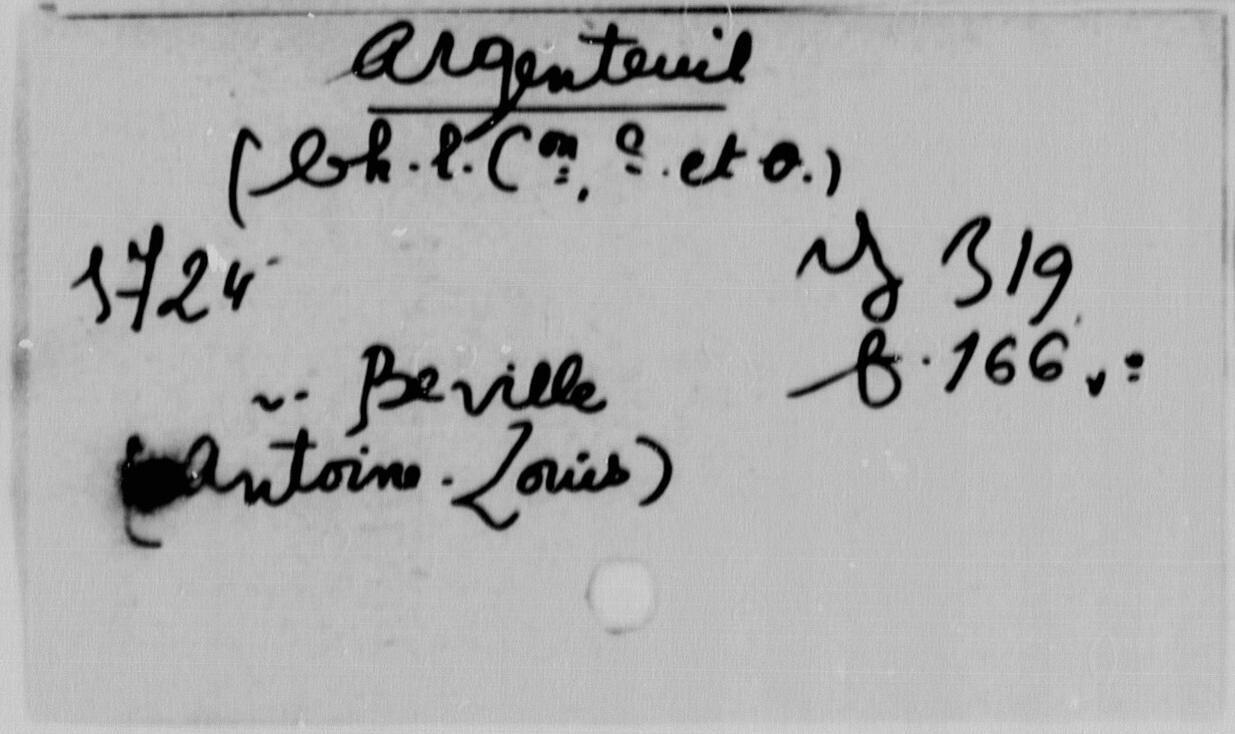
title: Argenteuil (Chef-lieu circonscription, Seine et Oise)
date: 1724
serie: Y
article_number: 319
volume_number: folio 166 verso
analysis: Voir Beville (Antoine Louis)
